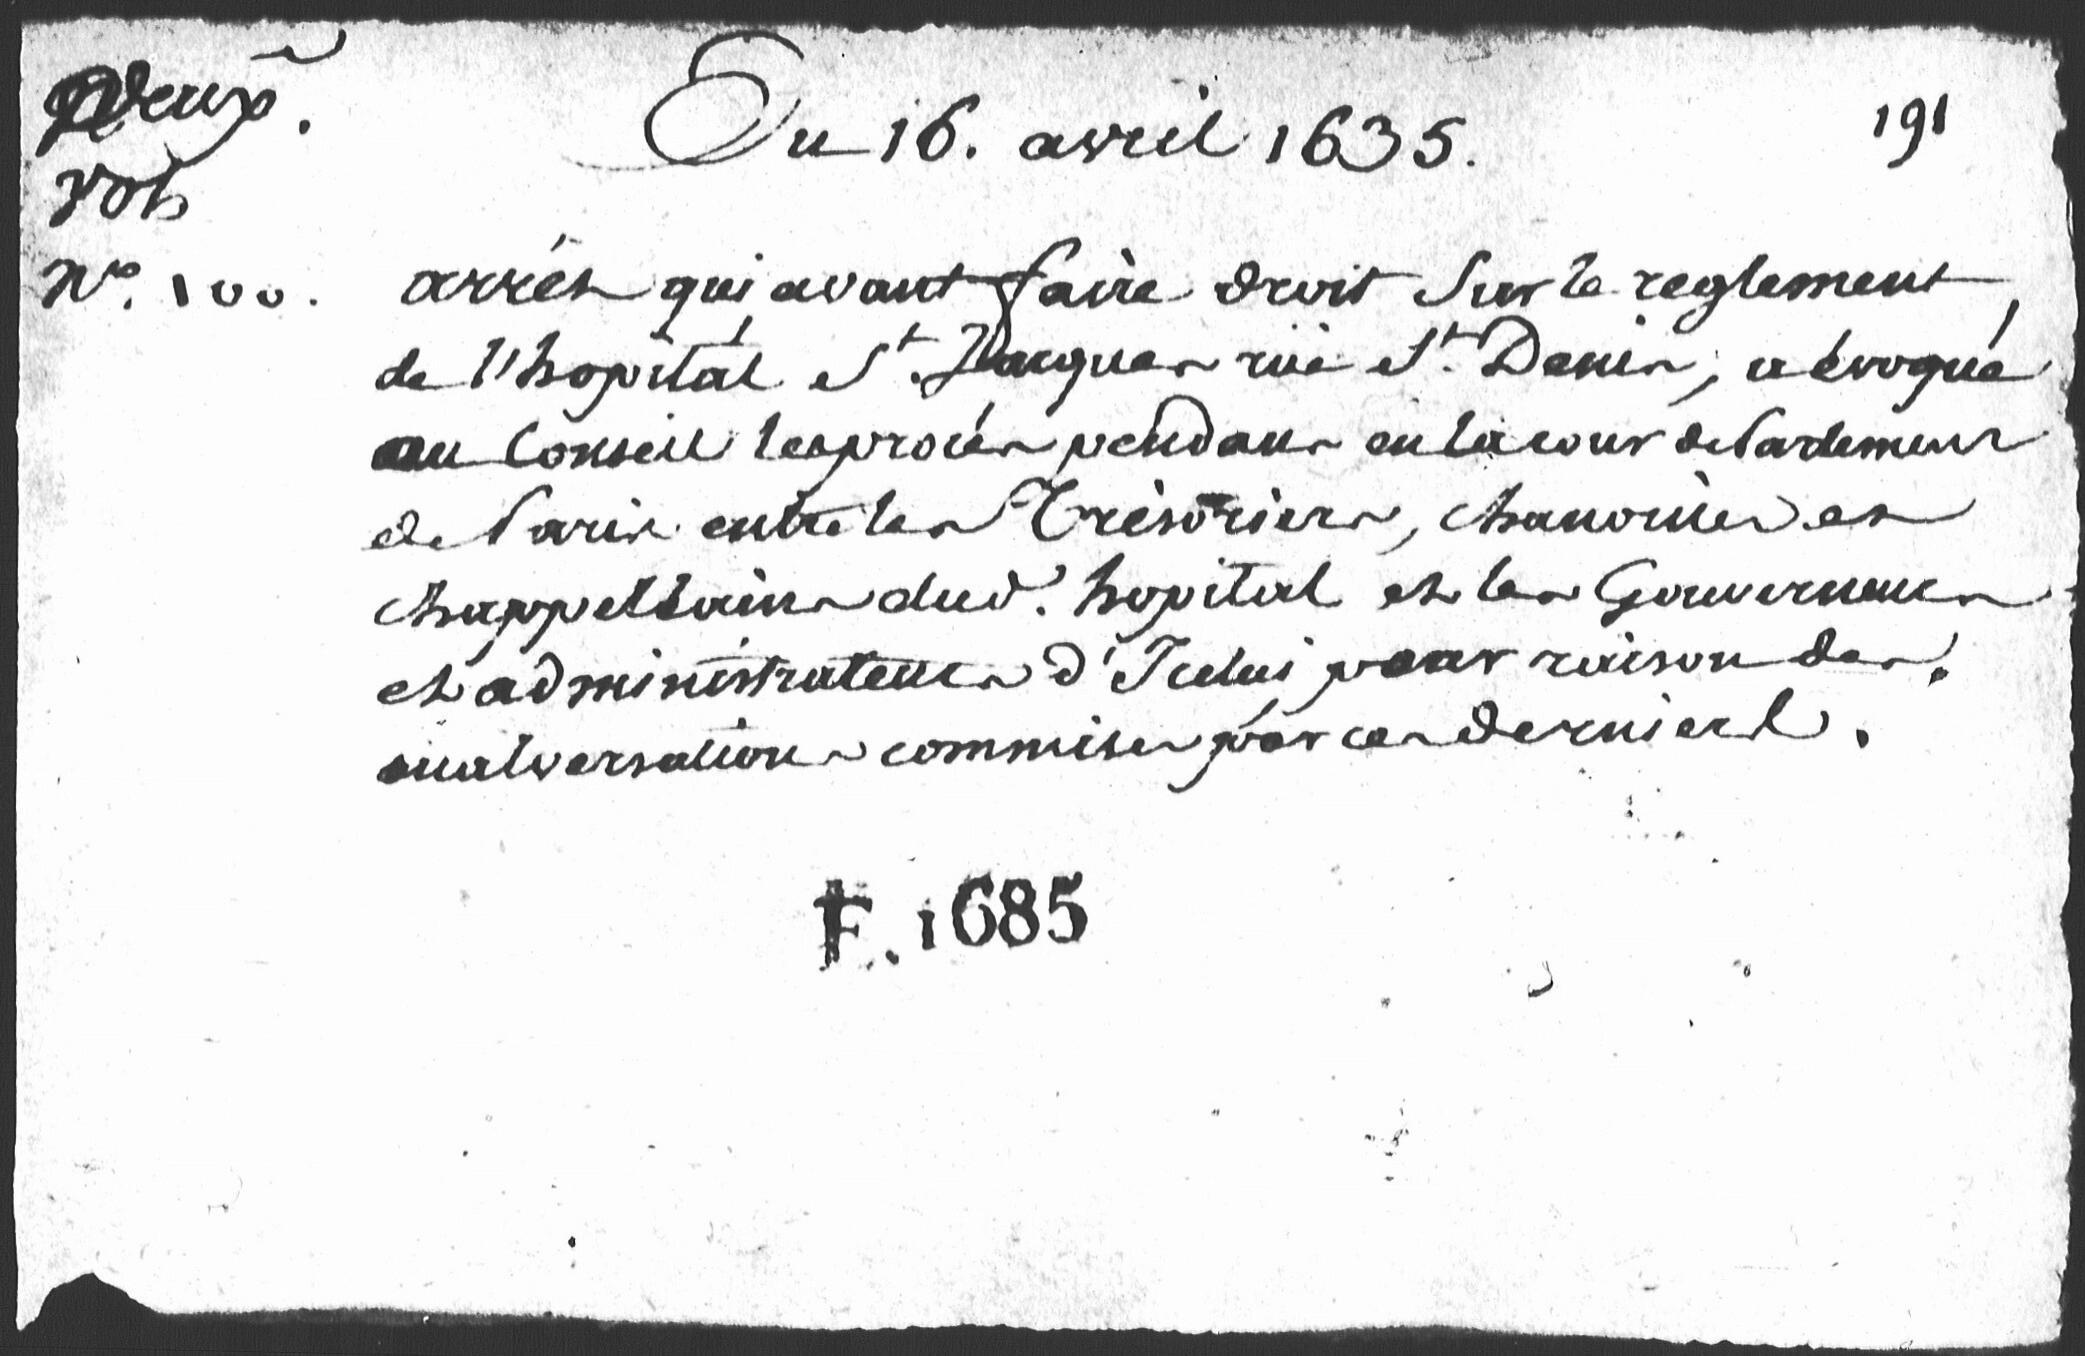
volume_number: n°100
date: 16 avril 1635
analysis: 191
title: arrêt qui avant faire droit sur le reglement de l'hopital S.t Jacques rue S.t Denis, a évoqué au Conseil les procès pendans en la cour de Parlement de Paris entre les Trésoriers, chanoines et chappelains dud. hopital et les gouverneurs et administrateurs d'icelui pour raison des malversations commises par ces derniers.
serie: E
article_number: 1685
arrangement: deux.e vol
